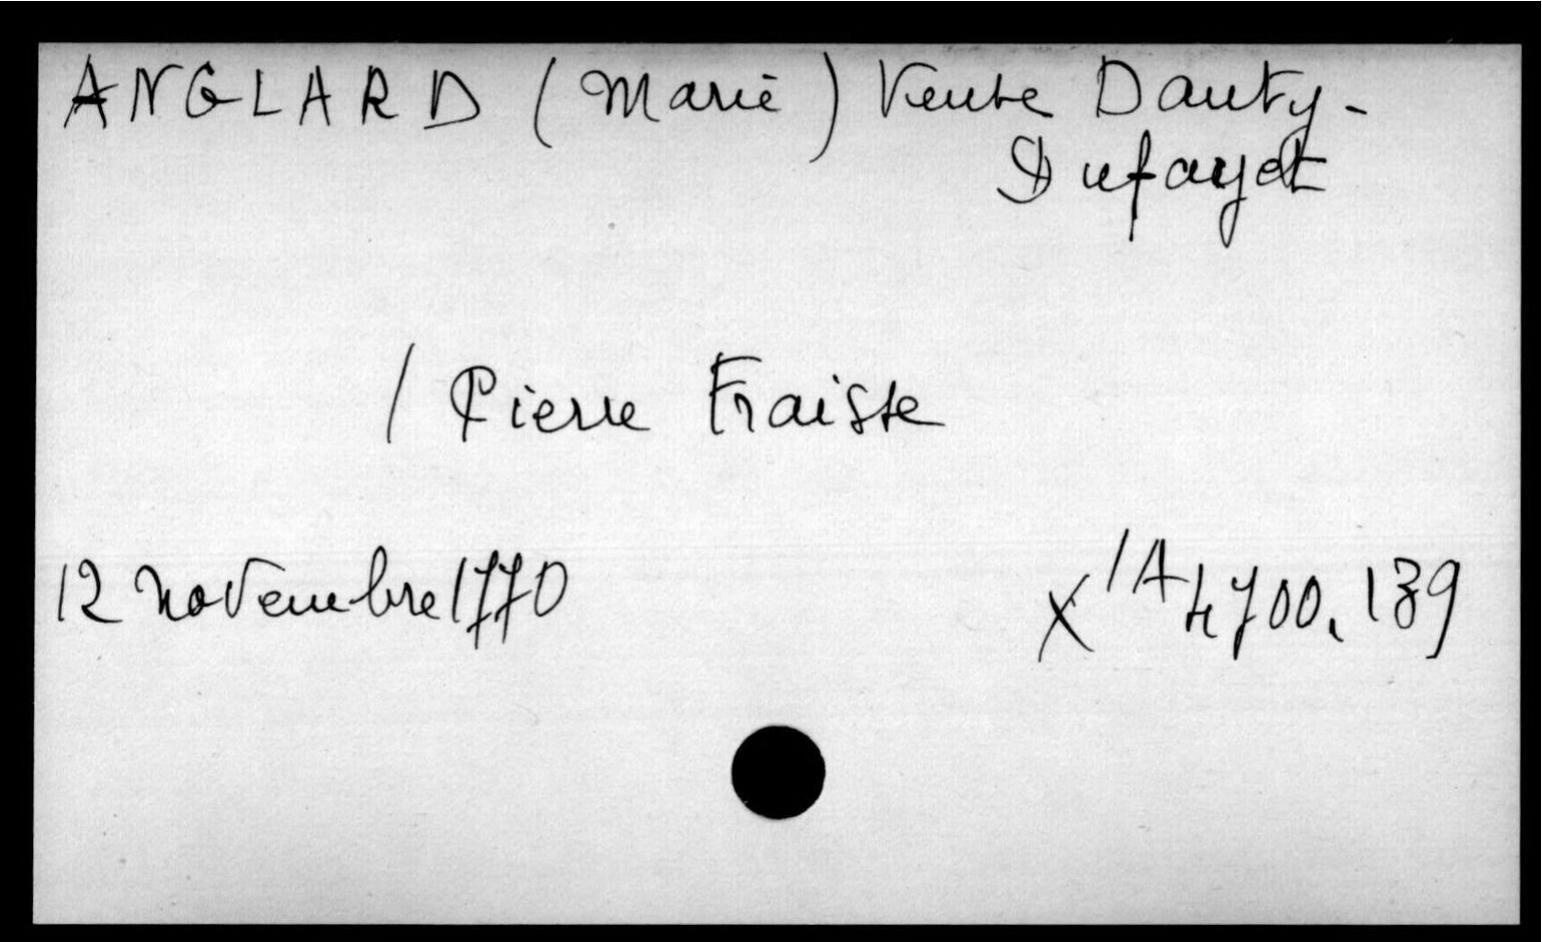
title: ANGLARD (Marie) Veuve Dautry-Dufayet
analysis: Contre Pierre Fraisse
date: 12 novembre 1770
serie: X1A
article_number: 4700
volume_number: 189
